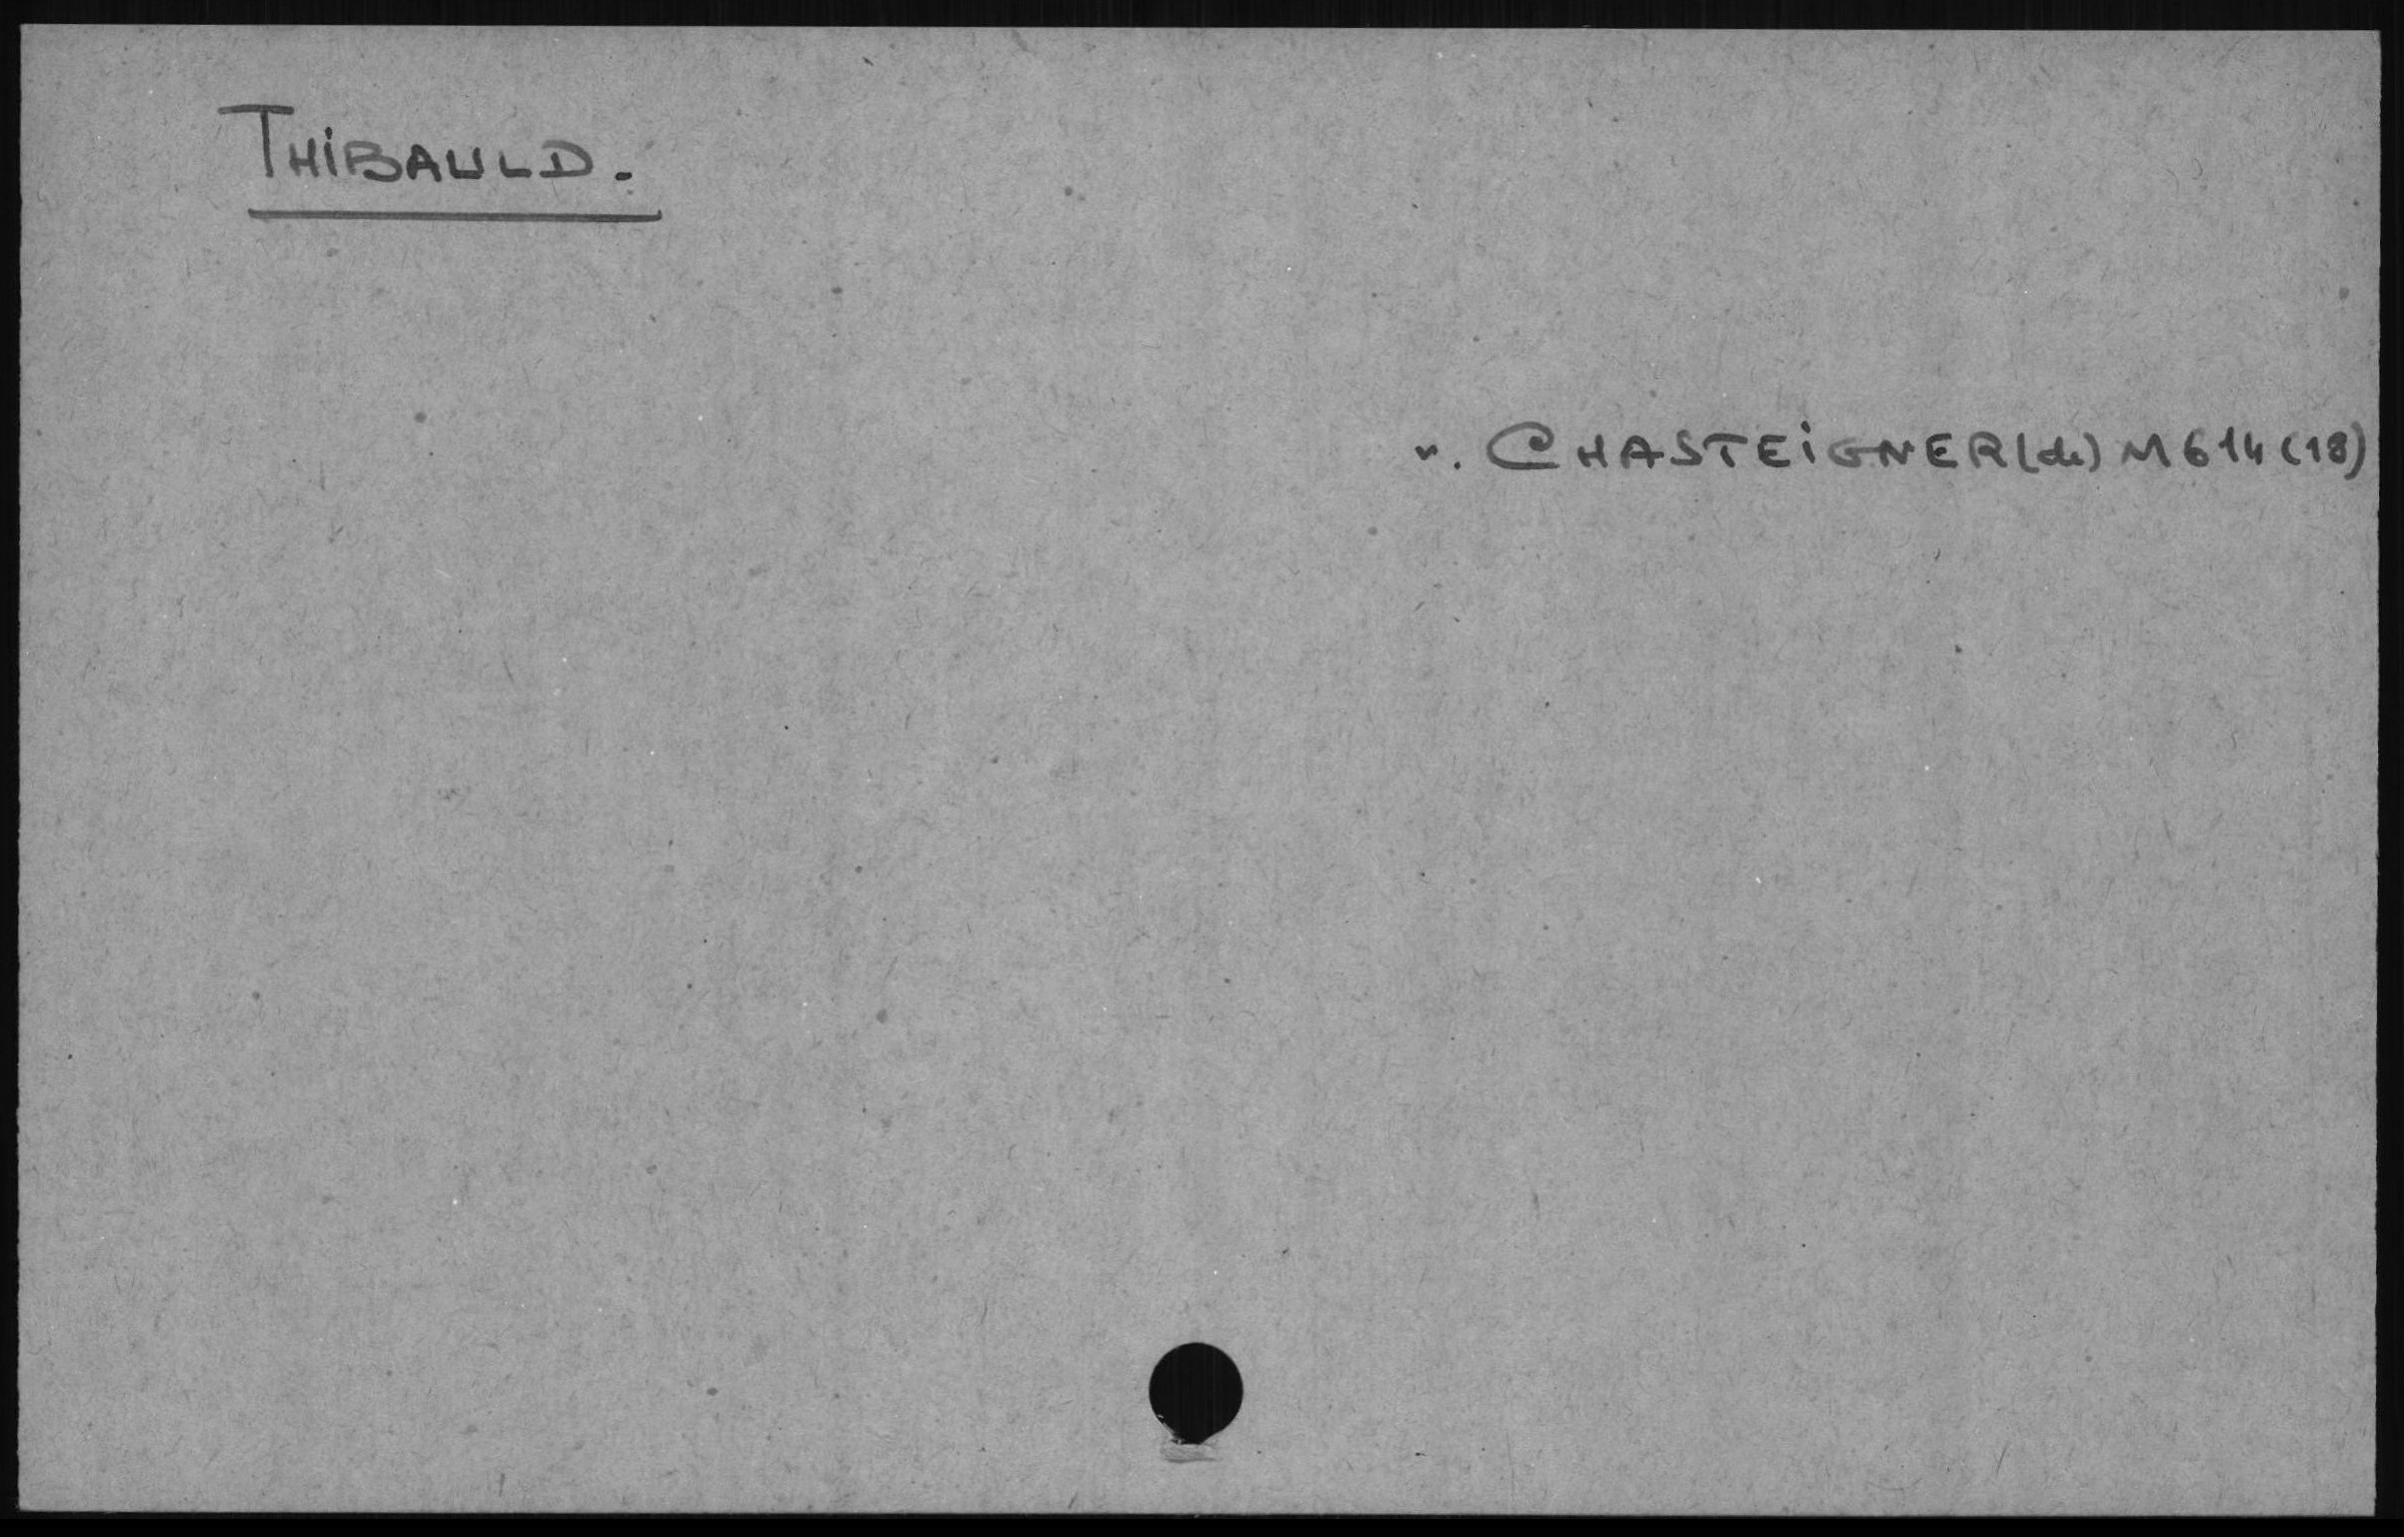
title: THIBAULD.
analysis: voir : CHASTEIGNER (de)
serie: M
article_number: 614
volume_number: (18)
